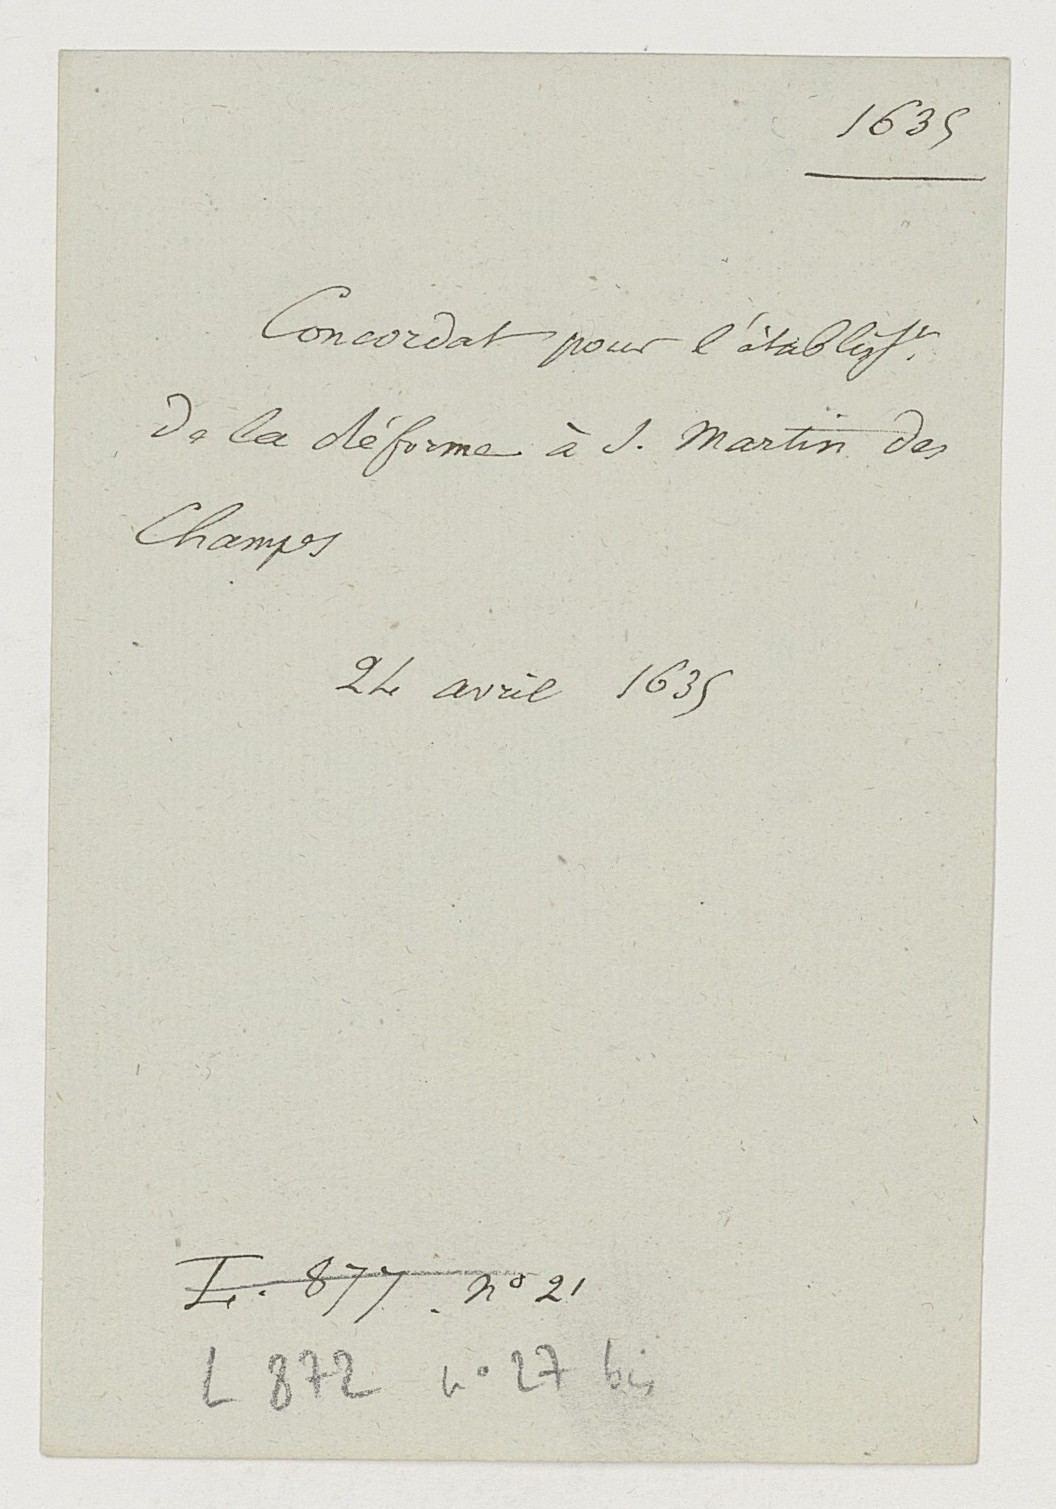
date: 1635
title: Concordat pour l'établissement de la Réforme à Saint-Martin des Champs
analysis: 24 avril 1635
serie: L
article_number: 872
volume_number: n° 27 bis
